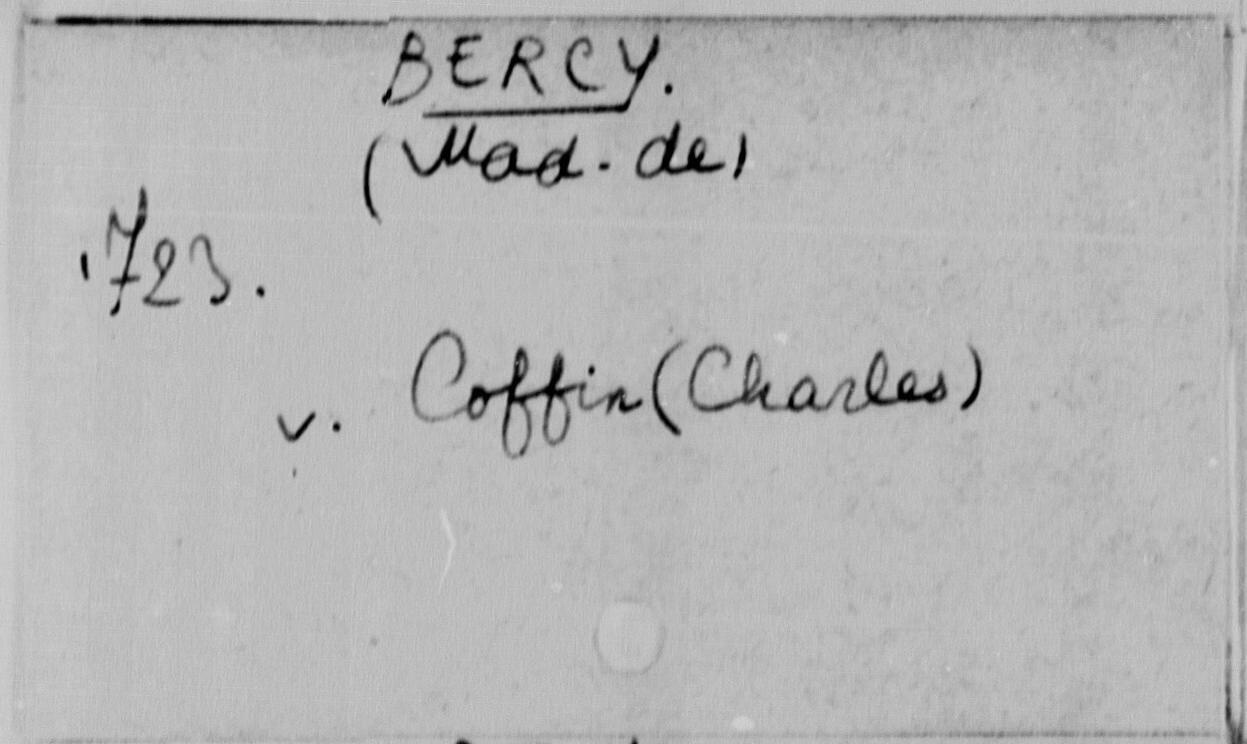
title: BERCY (Madame de)
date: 1723
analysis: Voir : COFFIN (Charles)
